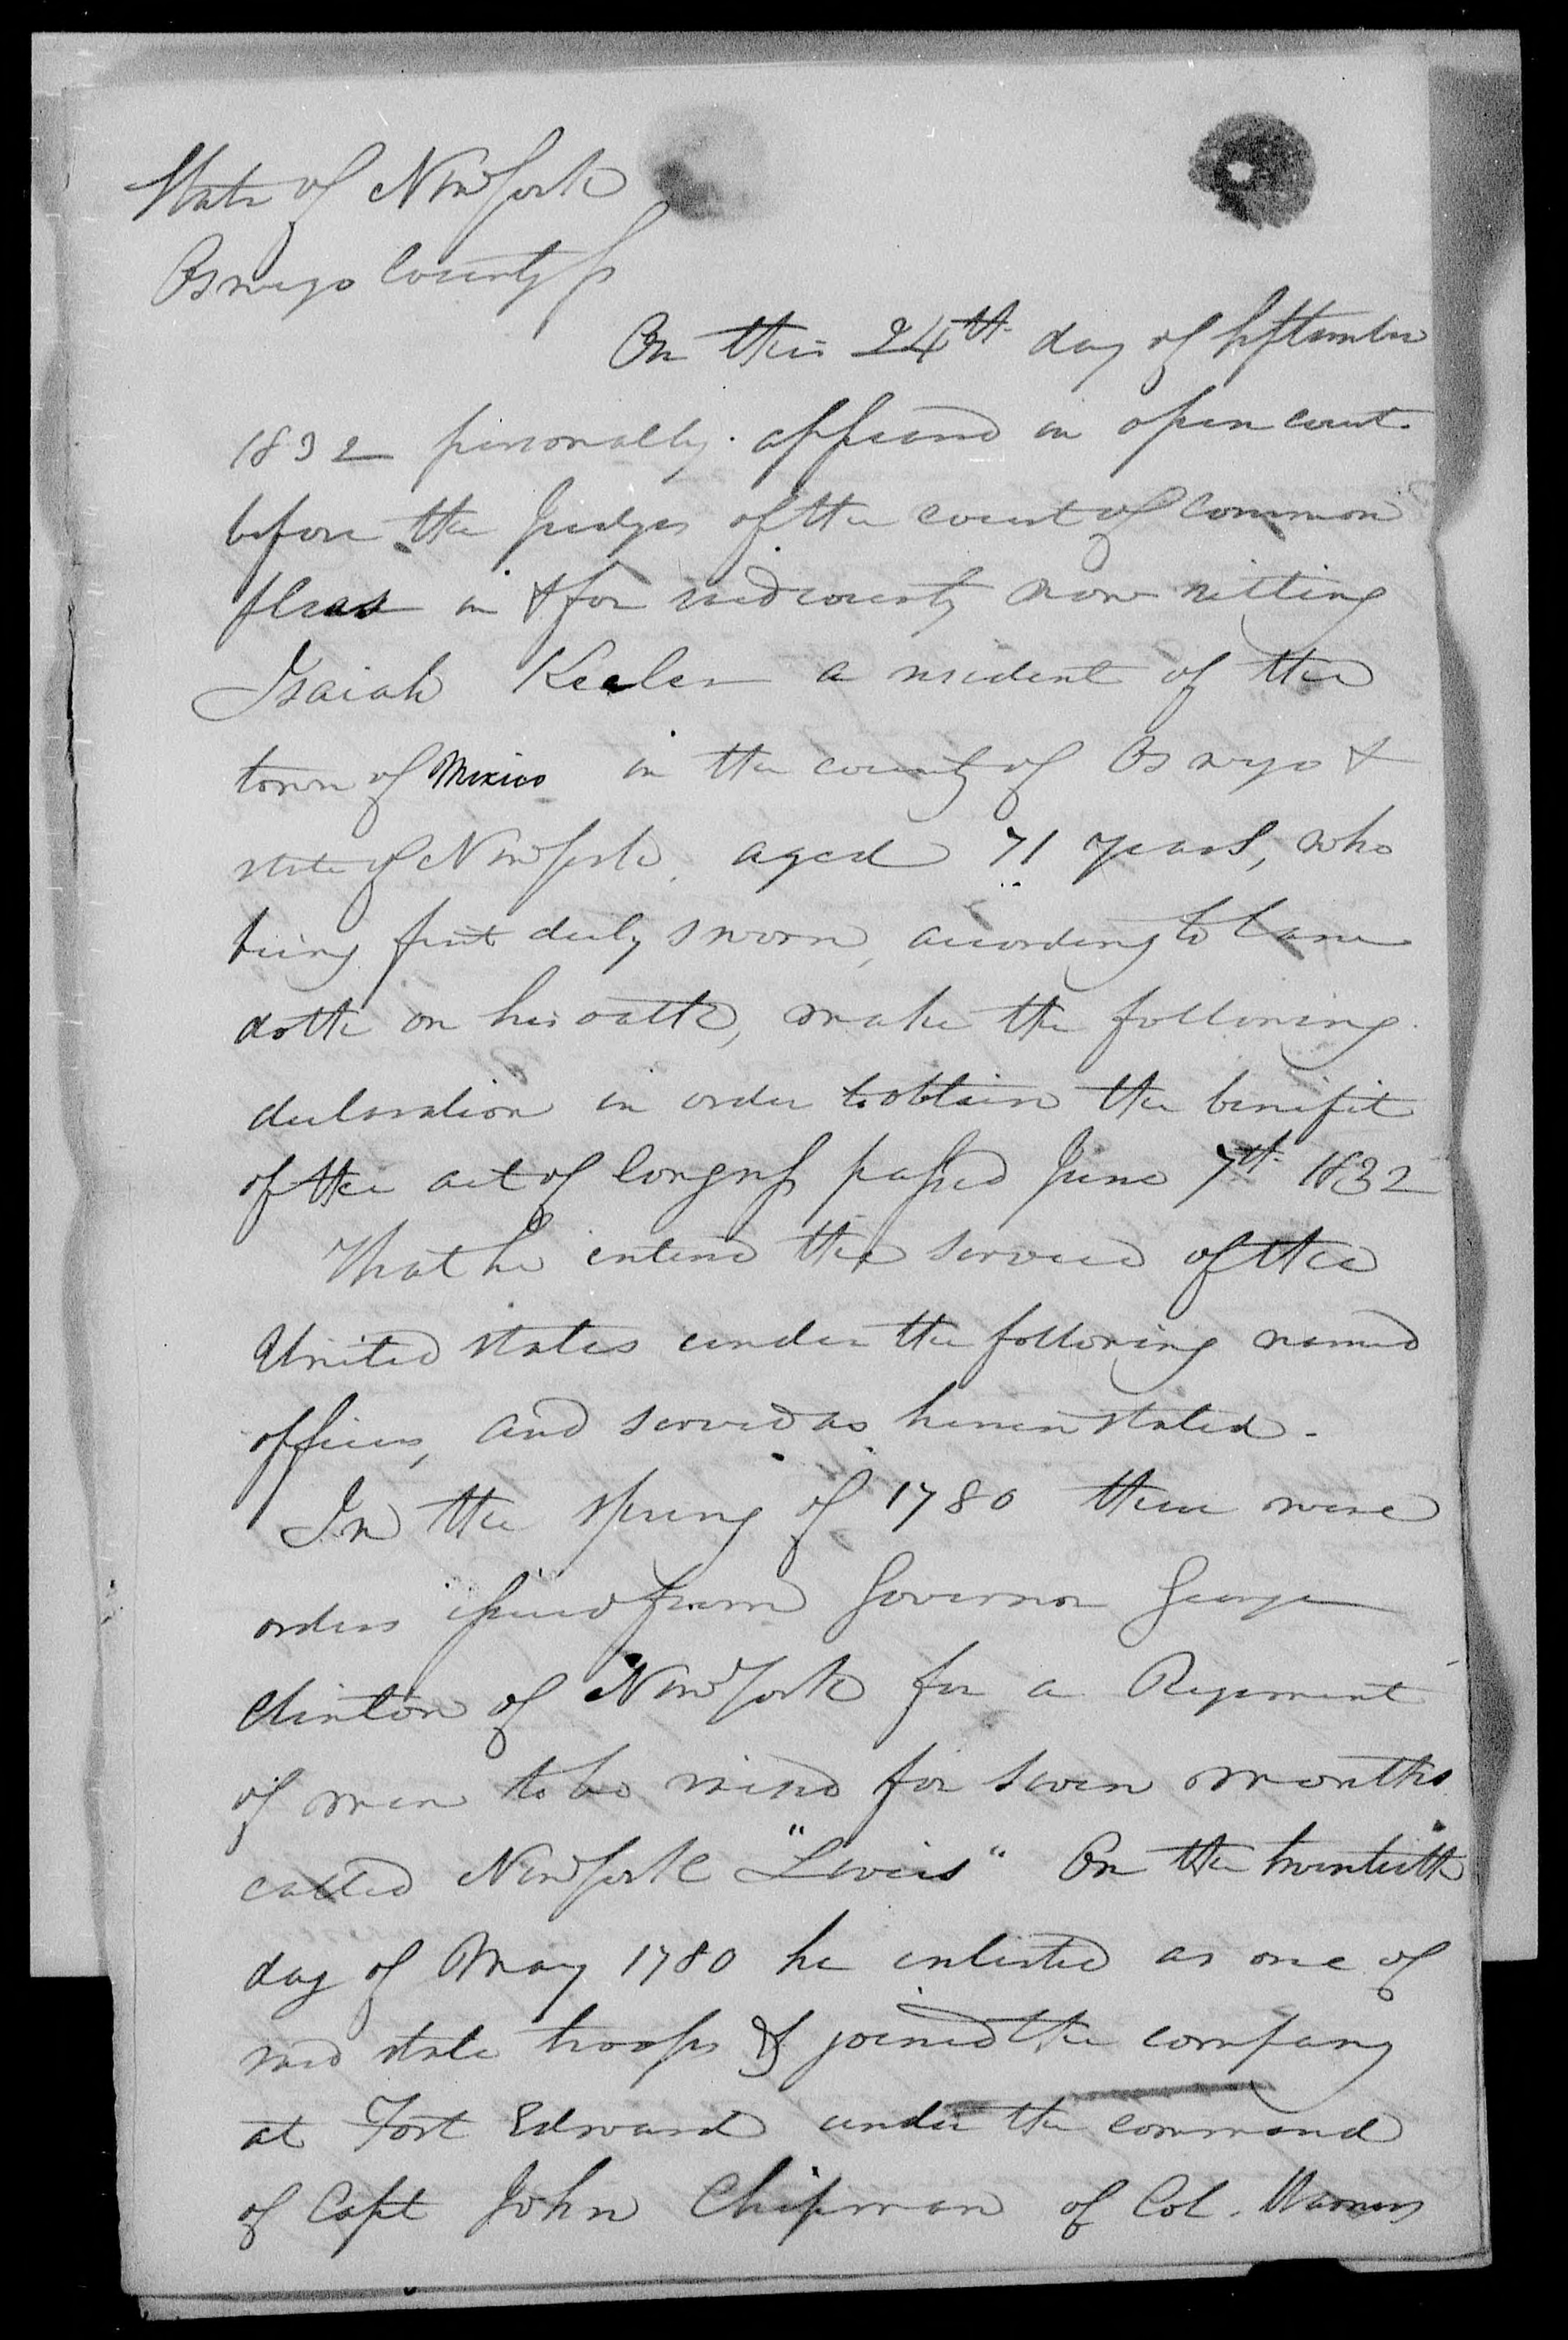State of New York 
Oswego County ss
On this 24th day of September 1832 personally appeared in open court before the Judges of the court of common pleas in & for and county now sitting Isaiah Keeler a resident of the town of Mexico in the County of Oswego & state of New York aged 71 years, who being first duly sworn according to law doth on his oath, make the following declaration in order to obtain the benefit of the act of Congress passed June 7th 1832 
That he entered the service of the United States under the following named officers, and served as herein stated.
In the spring of 1780 there were orders issued from Governor George Clinton of New York for a Regiment of men to be raised for seven months New York “Levies”  On the twentieth day of May 1780 he enlisted as one of said state troops & joined the company Fort Edward under the command of Capt John Chipman of Col. Warners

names: Isaiah Keeler; John Chipman; [BLANK] Warners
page: 7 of 26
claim: survivor's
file: S. 13,625, for Isaiah Keeler, New York